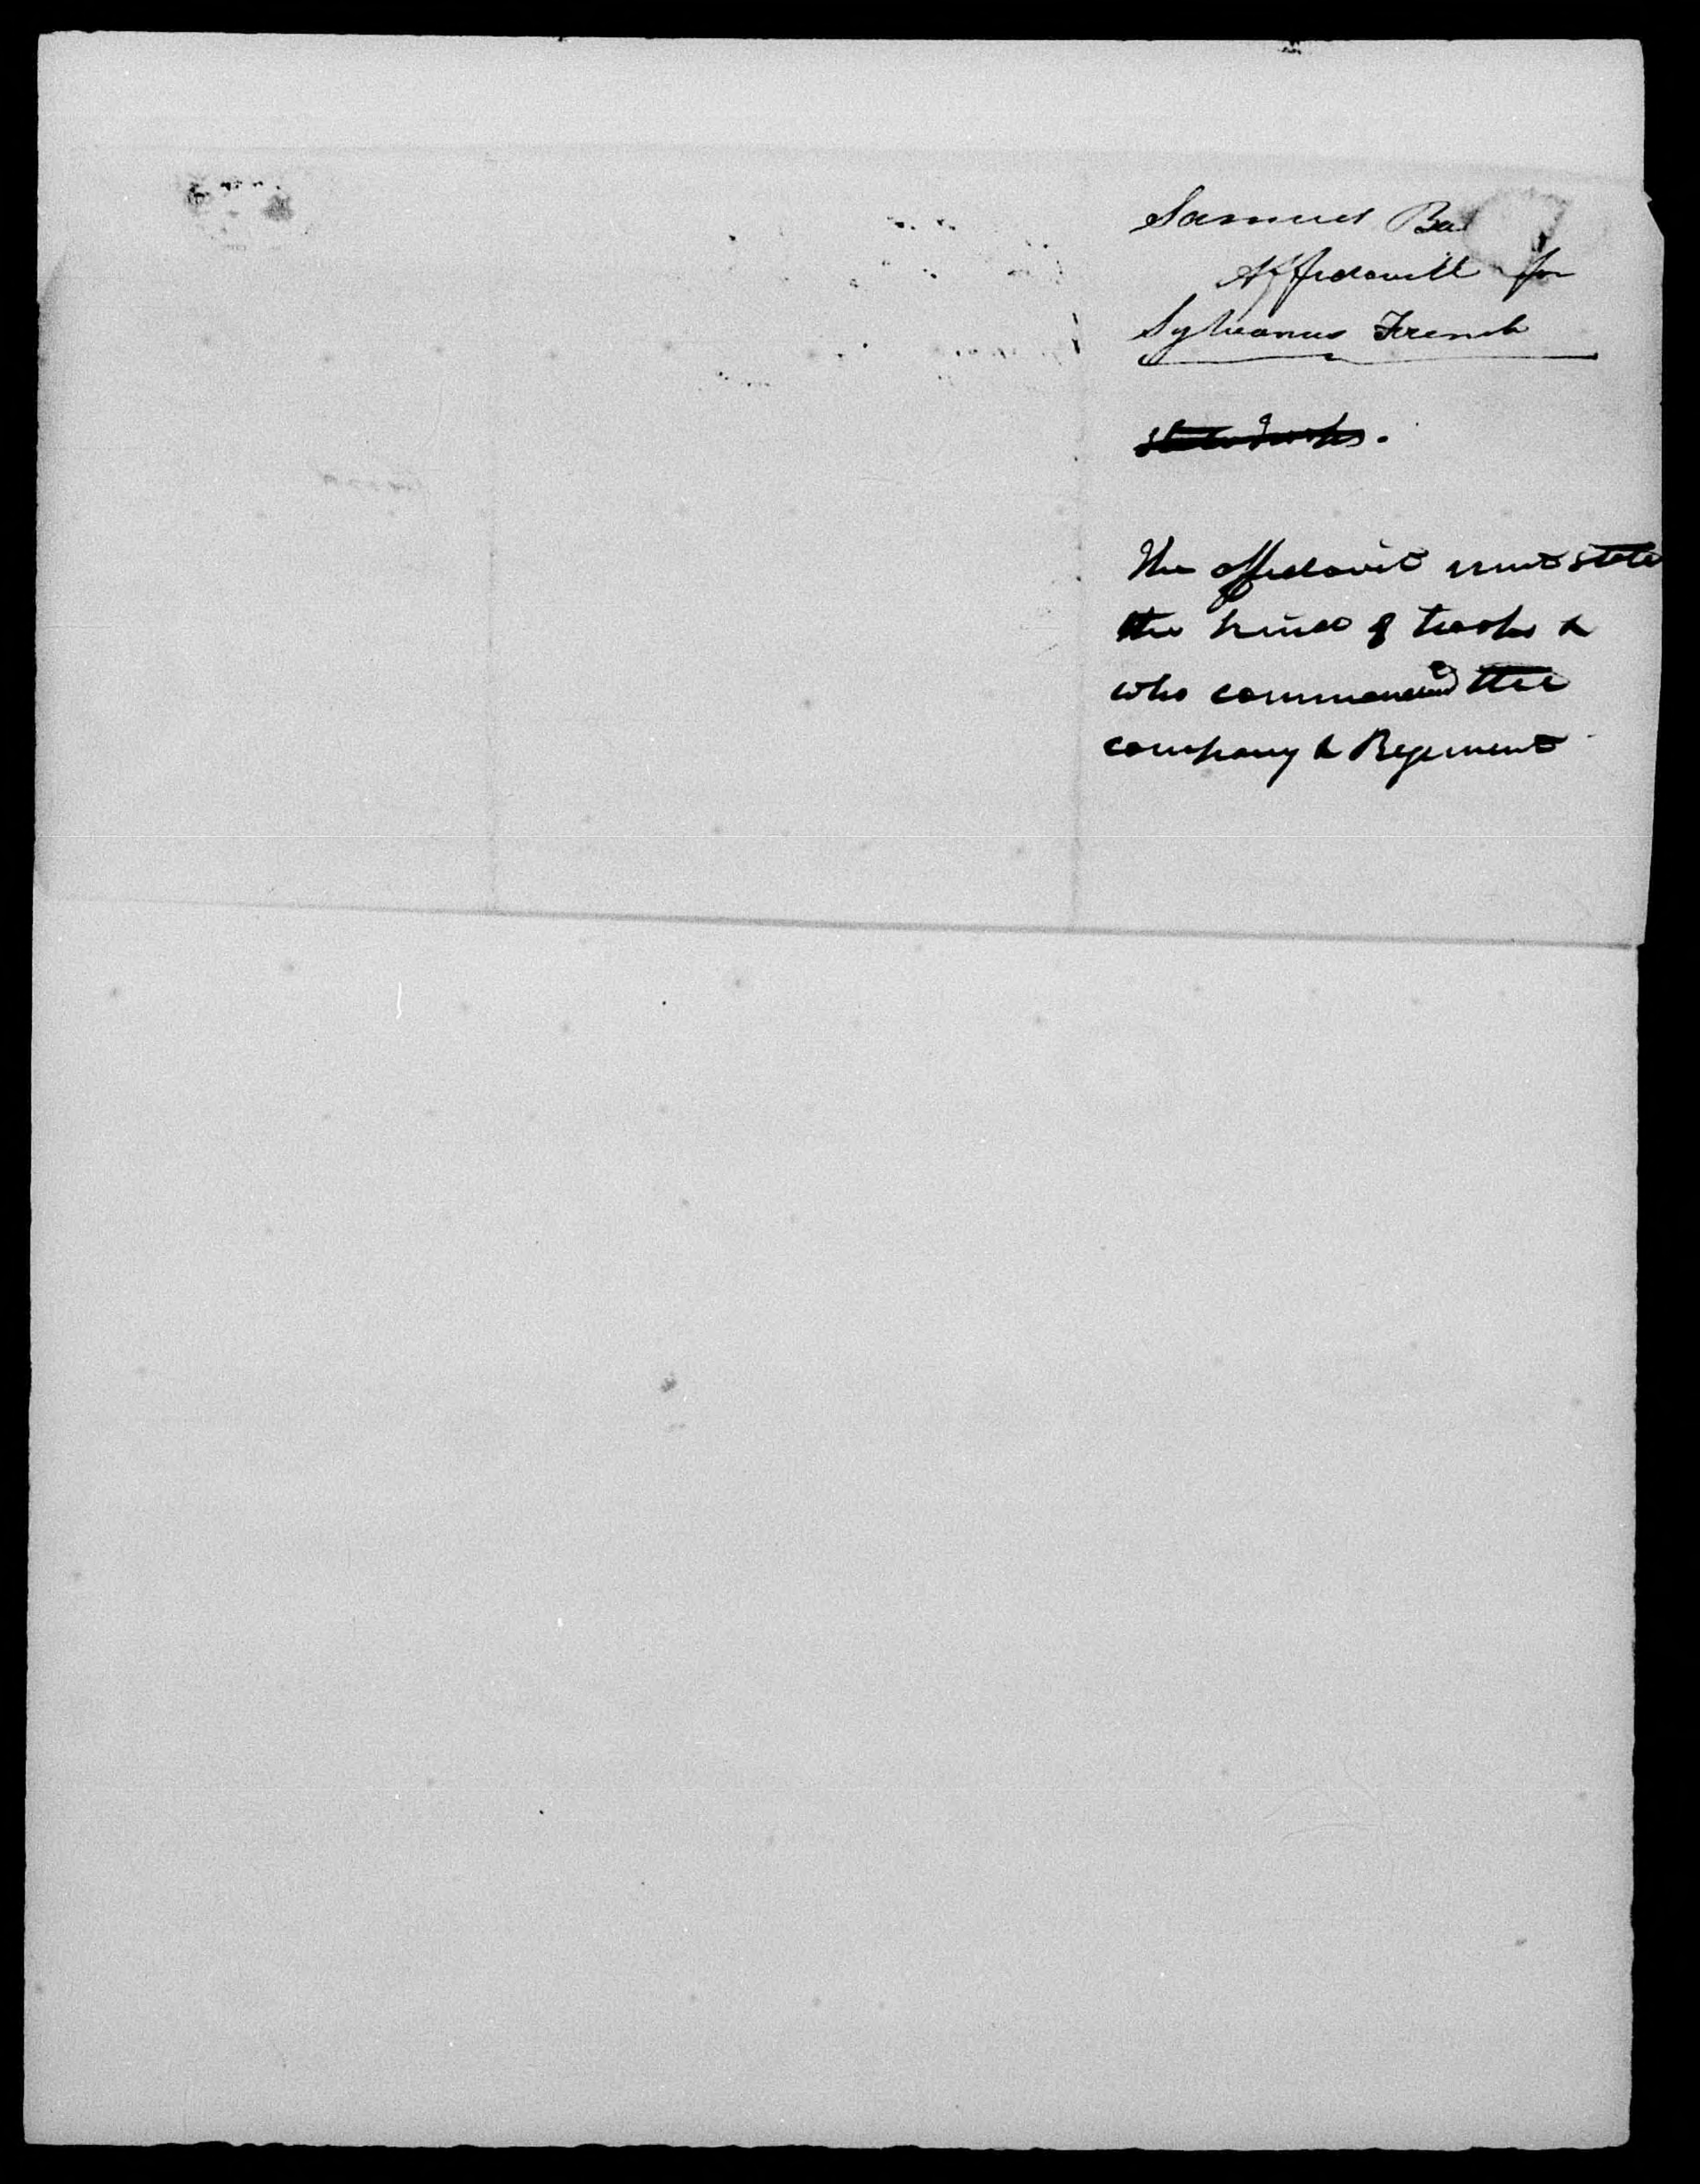Samuel Ba[remainder of word obscured] [Bailey]

Affidavit for
Sylvanus French

[words struck out]

The affidavit must state
the [illegible] of troops &
who commanded the
company & Regiment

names: Sylvanus French, Samuel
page: 7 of 38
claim: widow's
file: W. 24,235, Silvanus French, Mass.